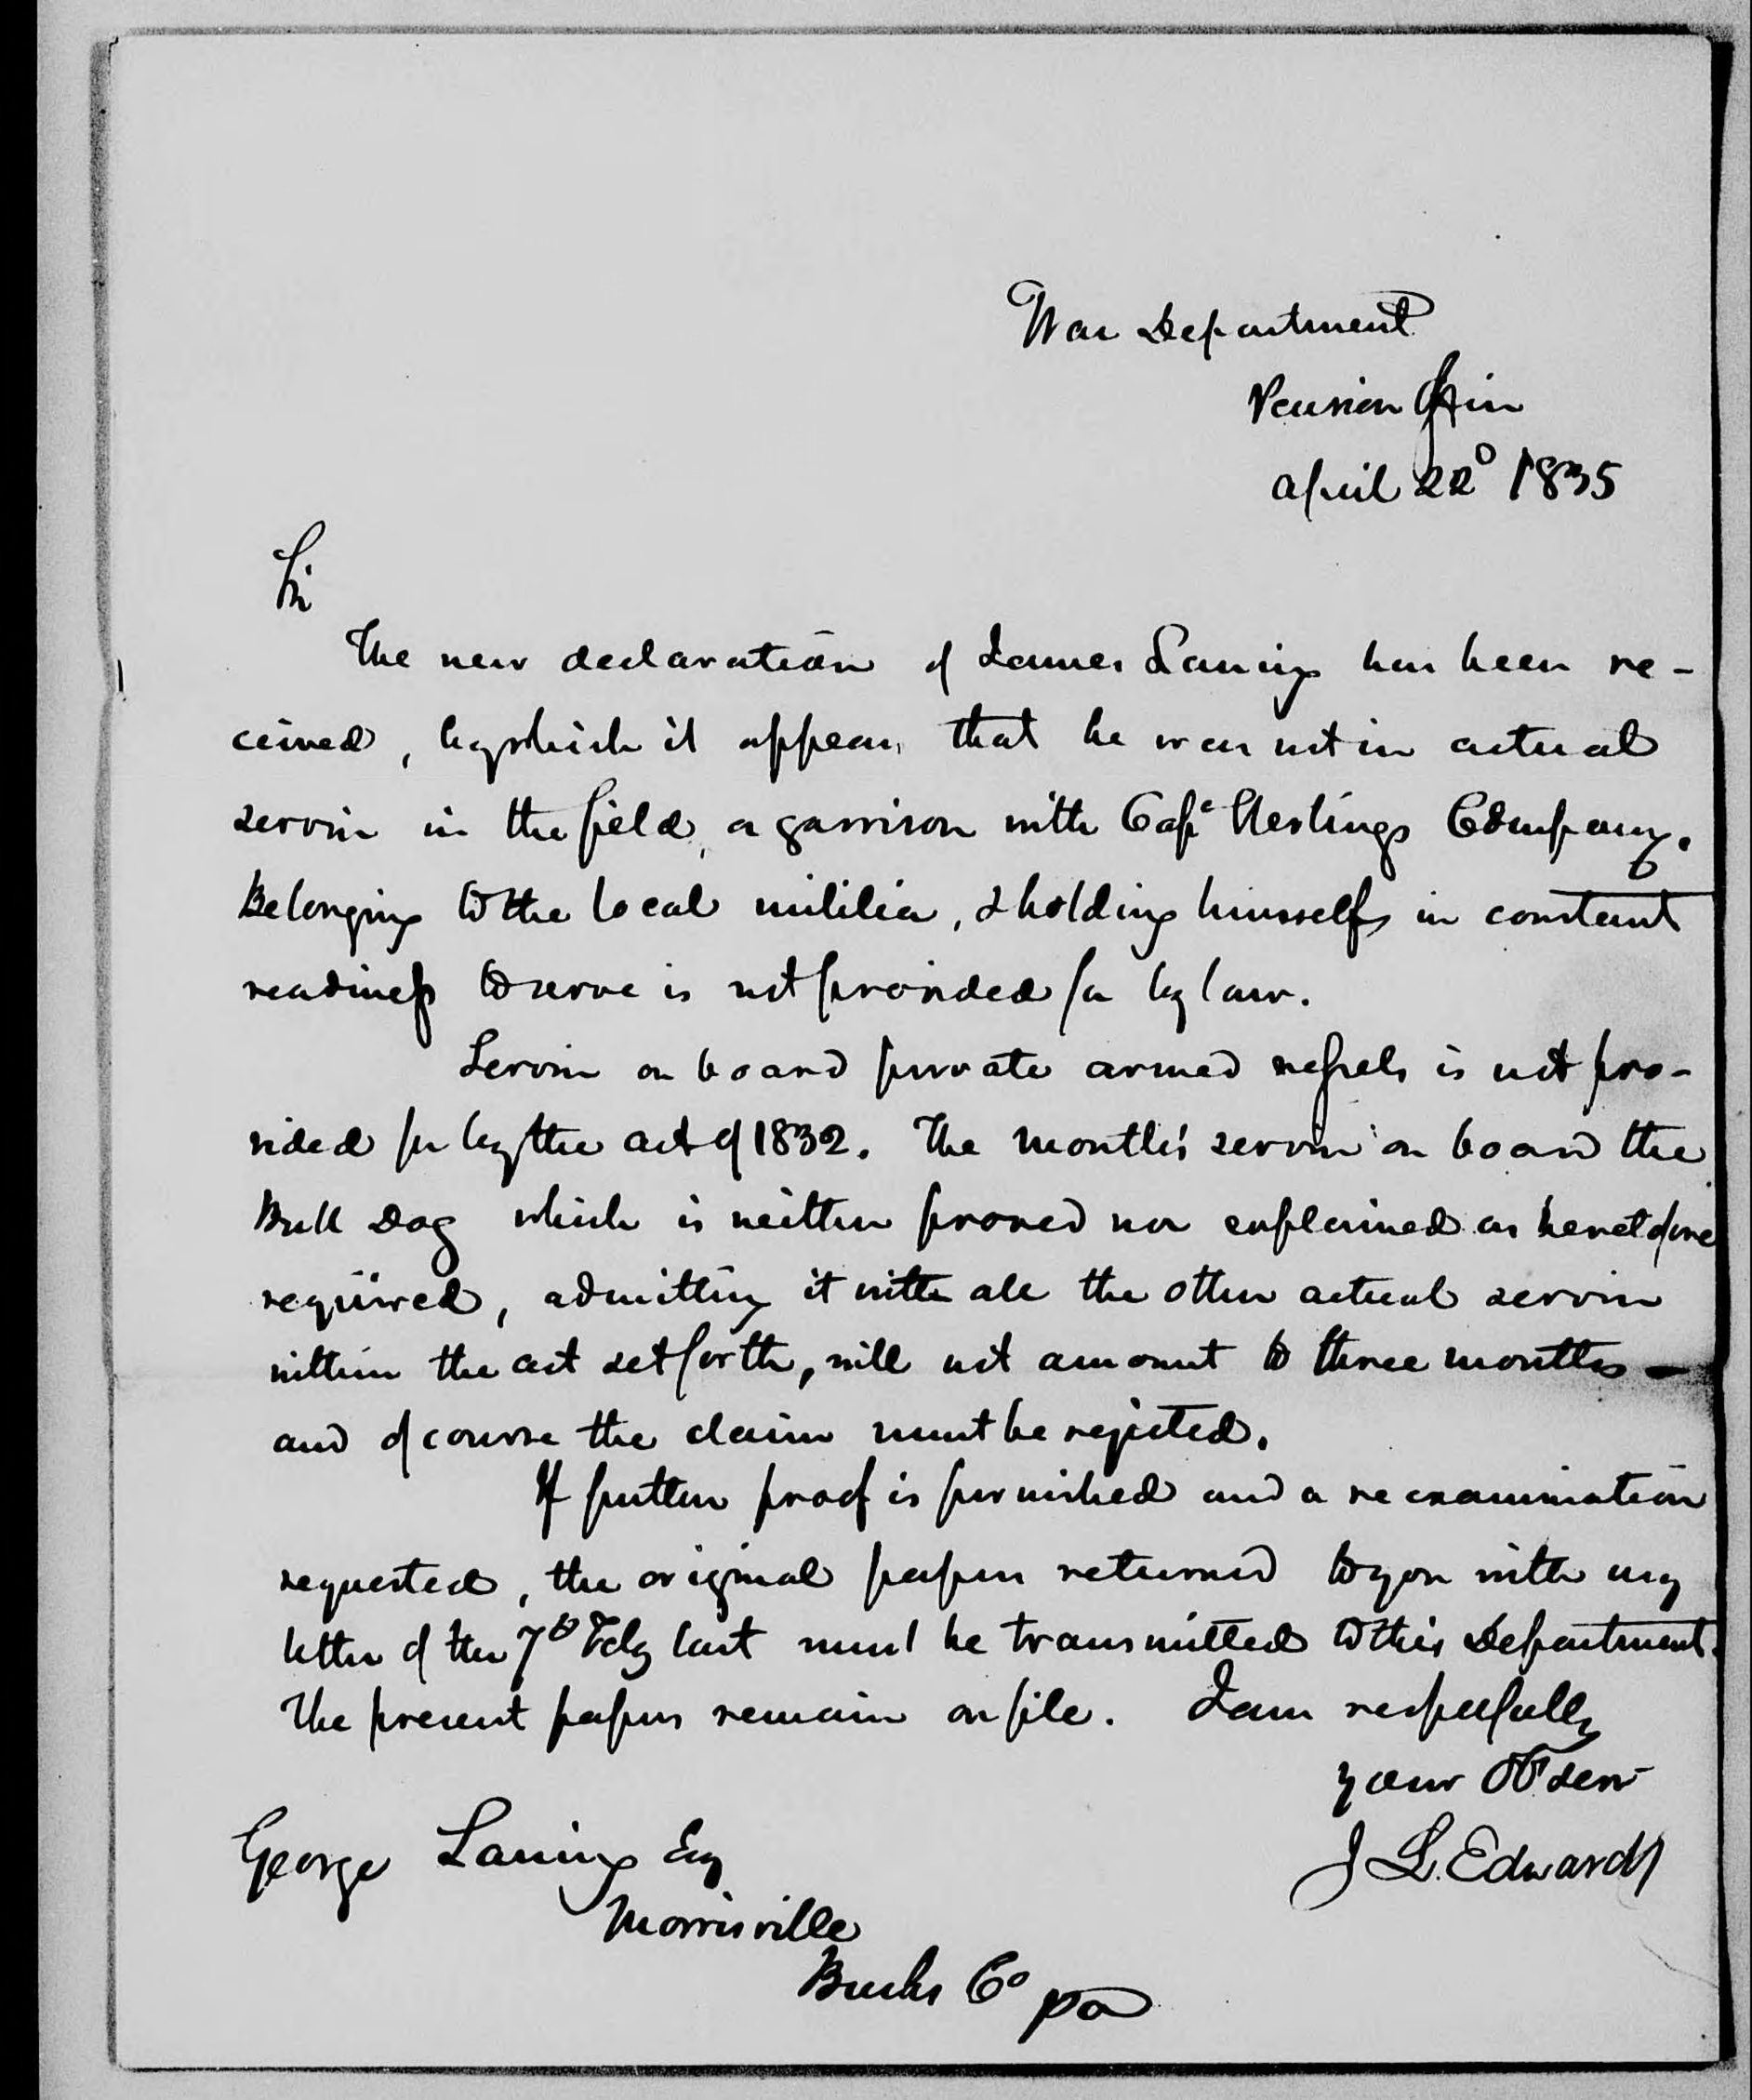War Department
Pension Office
April 22d 1835

Sir
The new declaration of James Laning has been received, by which it appears that he was not in actual service in the field or garrison with Capt. Sterlings Company. Belonging to the local militia, & holding himself in constant readiness to move is not provided for by law.

Serving on board private armed vessels is not provided for by the Act of 1832. The month's service on board the Bull Dog which is neither proved nor explained as heretofore required, admitting it with all the other actual service within the act set forth, will not amount to three months- and of course the claim must be rejected.

If further proof is furnished and a reexamination requested, the original papers returned to you with my letter of the 7th July last must be transmitted to this Department. 
The present papers remain on file.
I am respectfully your obt. serv.
J L Edwards

George Laning Esq
Morrisville
Bucks Co Pa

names: J L Edwards; James Laning; George Laning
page: 22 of 39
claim: rejected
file: R. 6154, for James Laning, New Jersey